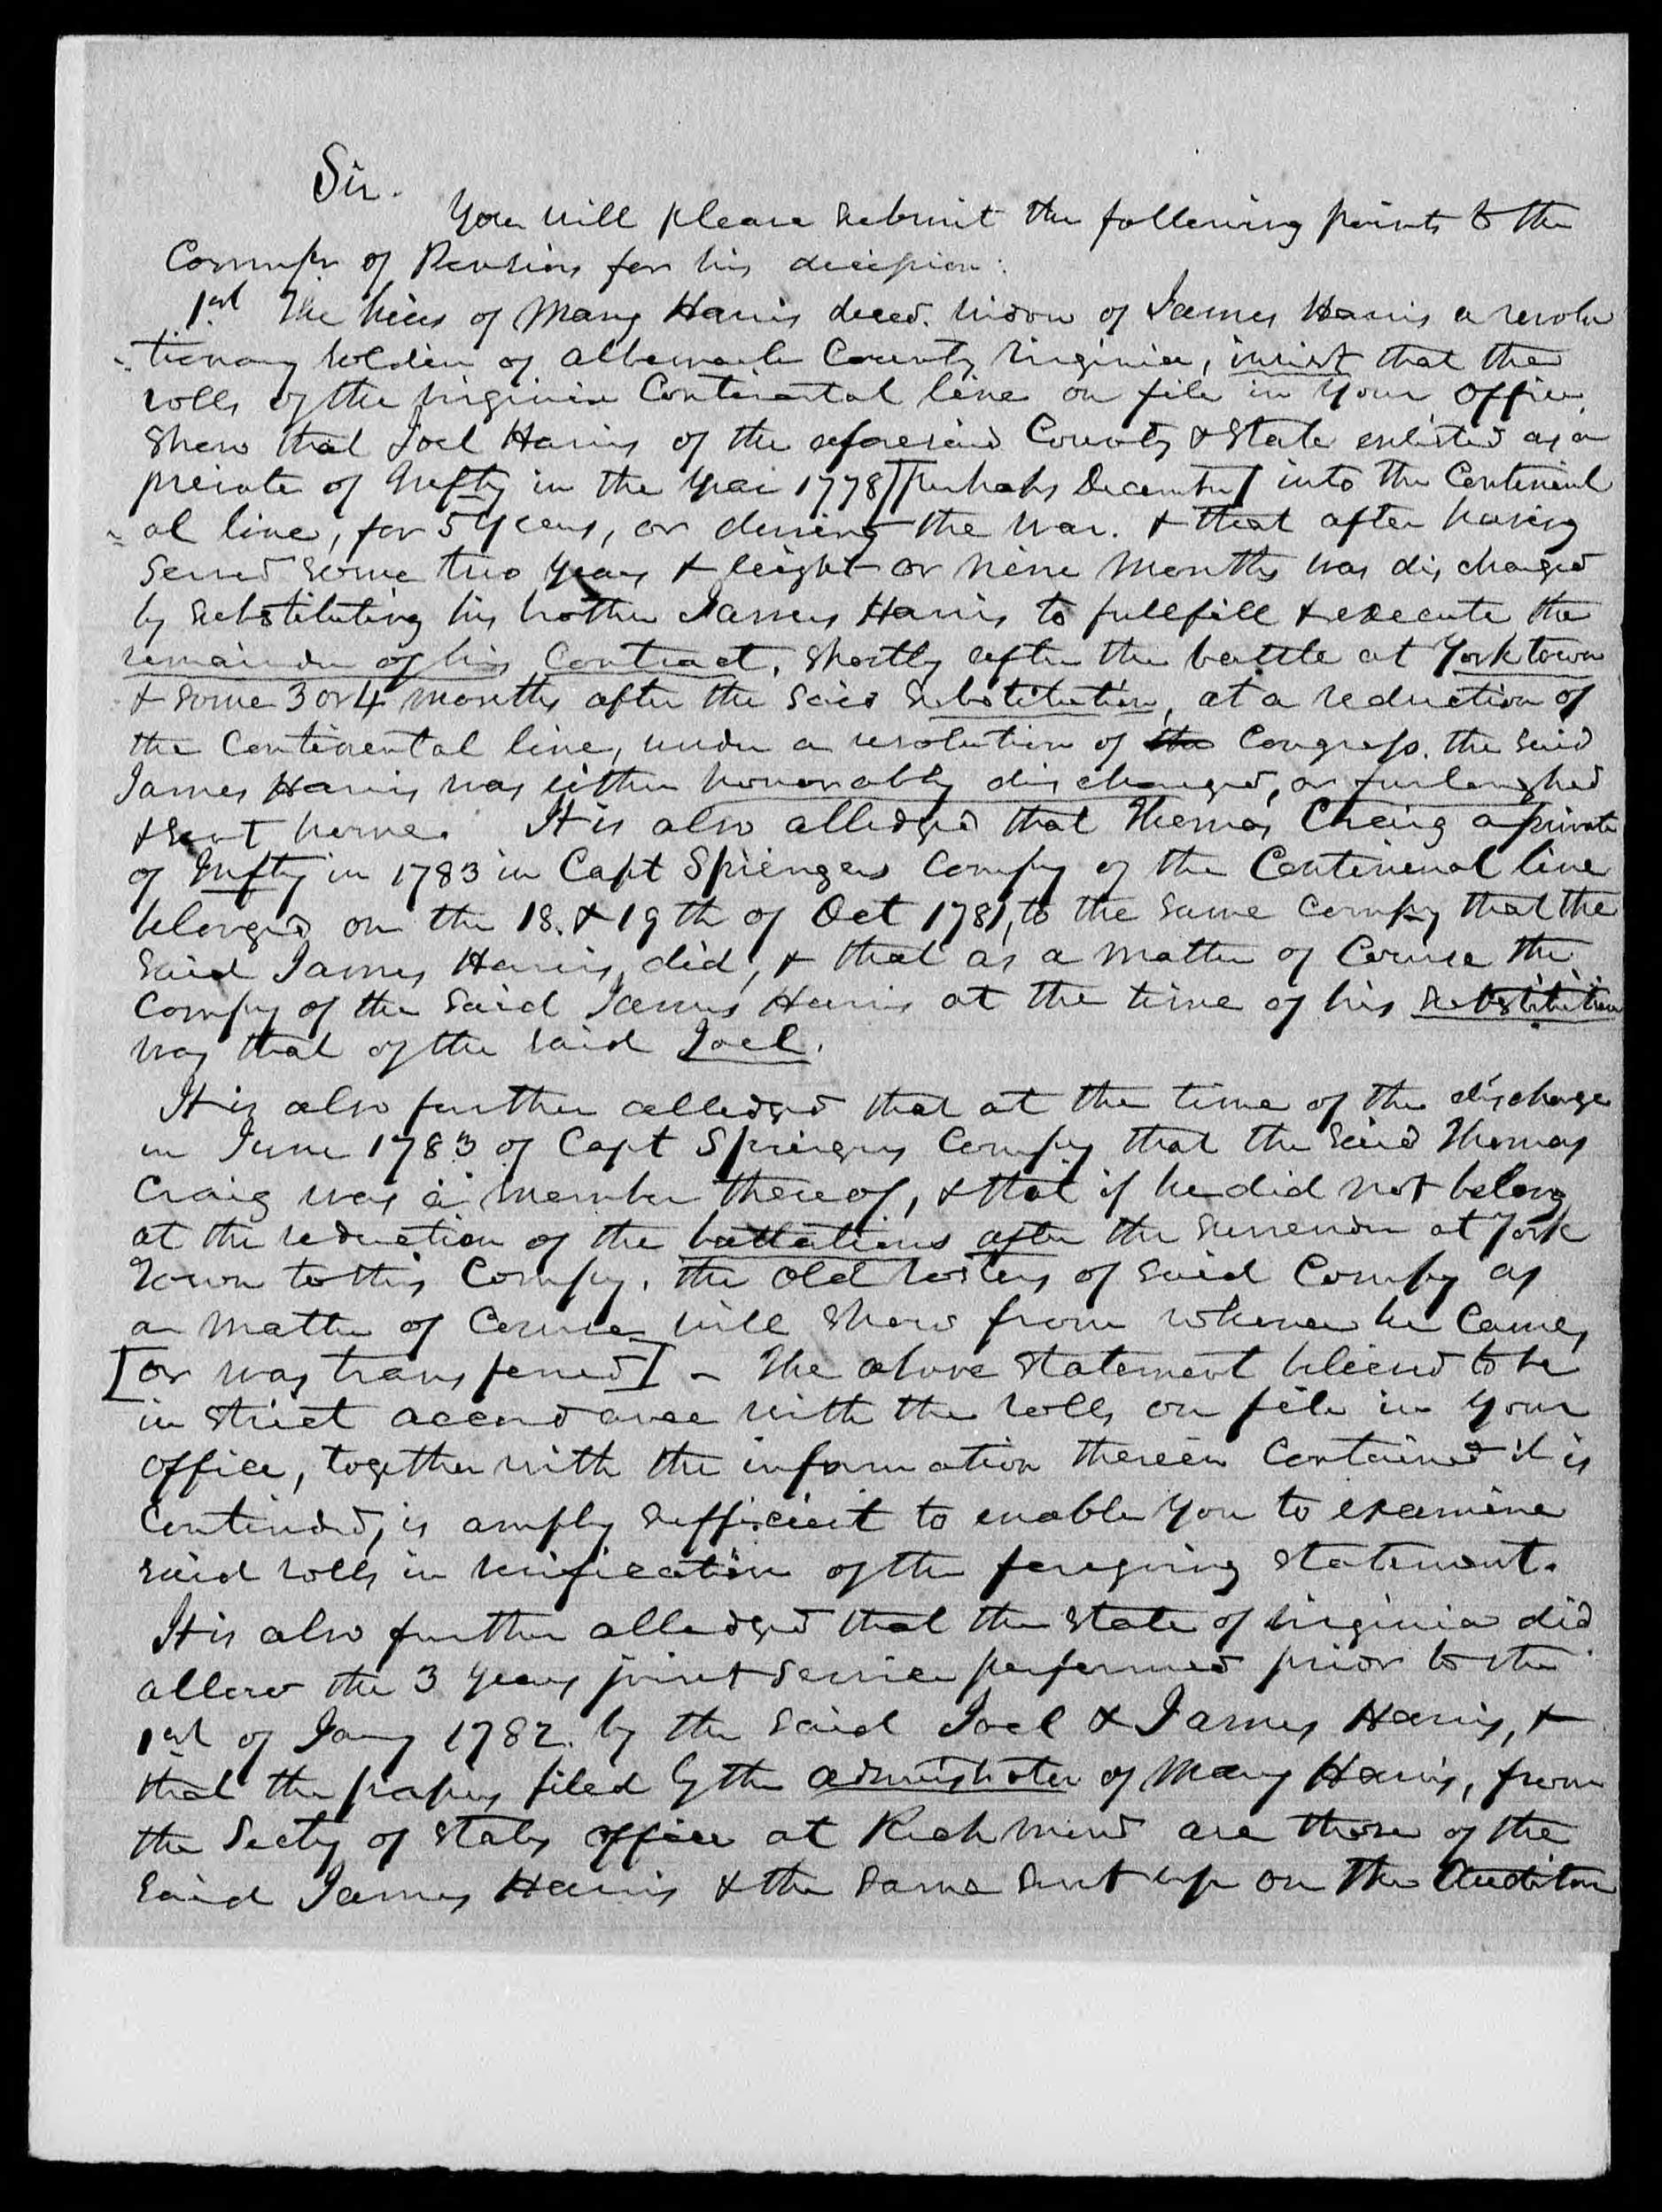Sir.
   You will please submit the following points to the Commissr of Pensions for his decision:
1st the heirs of Mary Harris deced. widow of James Harris, a revolutionary soldier of Albemarle County, Virginia, insist that the rolls of the Virginia Continental line on file in your office show that Joel Harris of the aforesaid County & State enlisted as a private of infty in the year 1778 (perhaps December) into the Continental line, for 5 years, or during the war & that after having served some two years & eight or nine months was discharged by substituting his brother James Harris to fullfill [sic] & execute the remainder of his contract. Shortly after the battle at Yorktown & some 3 or 4 months after the said substitution, at a reduction of the Continental line, under a resolution of Congress, the said James Harris was either honorably discharged, or furloughed & was sent home.  It is also alleged that Thomas Craig a private of infty in 1783 in Capt Springer's Compy of the Continenal [sic] line belonged on the 18 & 19th of Oct 1781, to the same compy that the said James Harris did, & that as a matter of course the compy of the said James Harris at the time of his substitution was that of the said Joel.
   This also further alledges [sic] that at the time of the discharge in June 1783 of Capt Springers Compy that the said Thomas Craig was a member thereof, & that if he did not belong at the reduction of the battalions after the surrender at York Town to this Compy, the old rosters of said Compy as a matter of Course will show from wherever he came (or was transferred)  The above statement believed to be in strict accordance with the rolls on file in your office, together with the information therein contained, it is contended, is amply sufficient to enable you to examine said rolls in verification of the foregoing statement.
   It is also further alledged [sic] that the state of Virginia did allow the 3 years private service performed prior to the 1st of Jany 1782 by the said Joel & James Harris, & that the  papers filed by the administrator of Mary Harris, from the Secty of States office at Richmond are those of the said James Harris & the same sent up on the Audition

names: James Harris, James Harris, James Harris, Thomas Craig, James Harris, Joel, James Harris, Joel Harris, James Harris, Mary Harris, James Harris, Joel Harris, Thomas Craig, Mary Harris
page: 15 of 160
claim: rejected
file: R. 4666, James Harris, Va.